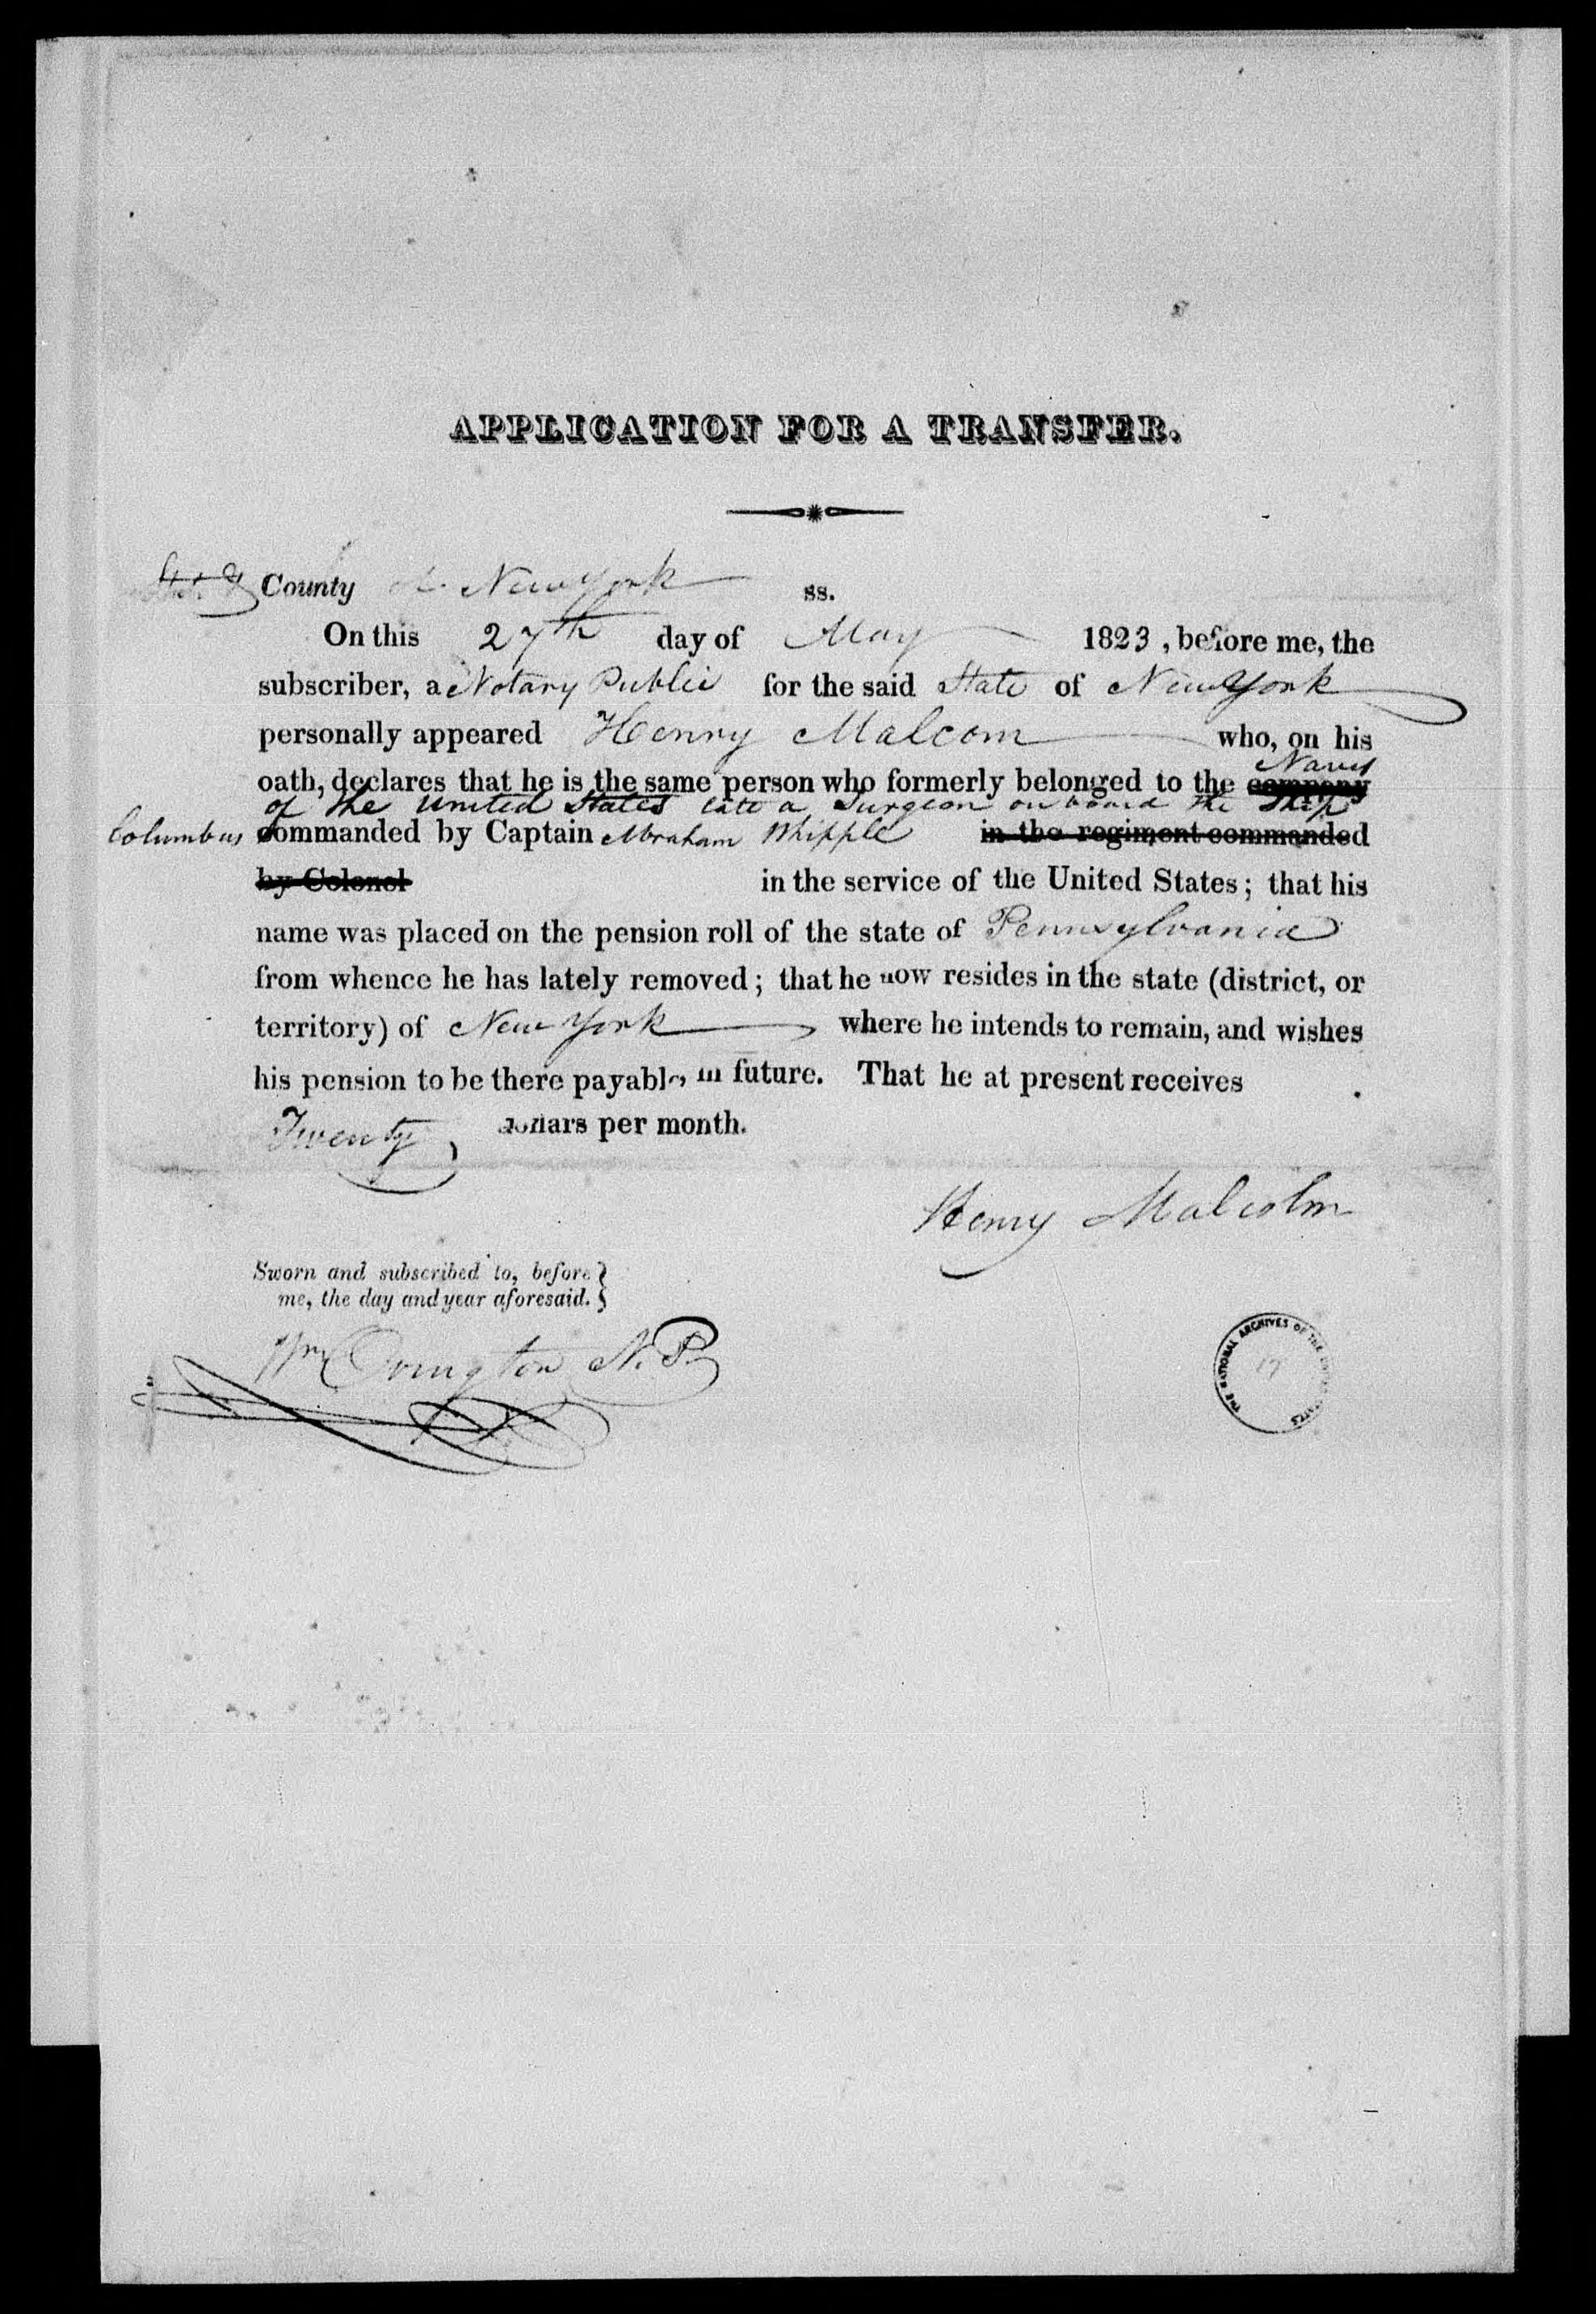APPLICATION FOR A TRANSFER.
State & County of New York SS.
On this 27th day of May 1823, before me, the subscriber, a Notary Public for the said State of New York personally appeared Henry Malcom who, on his oath, declares that he is the same person who formerly belonged to the Navy of the United States late a Surgeon on board the ship Columbus commanded by Captain Abraham Whipple
[in the regiment by Colonel crossed out] in the service of the United States; that his name was placed on the pension roll of the state of Pennsylvania from whence he has lately removed; that he now resides in the state (district, or territory) of New York where he intends to remain, and wishes his pension to be there payable, in future. That he at present receives Twenty dollars per month.
Henry Malcolm
Sworn and subscribed to, before me, the day and year aforesaid}
Wm Orington N. P.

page: 4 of 28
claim: survivor's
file: S. 5,048, for Henry Malcolm